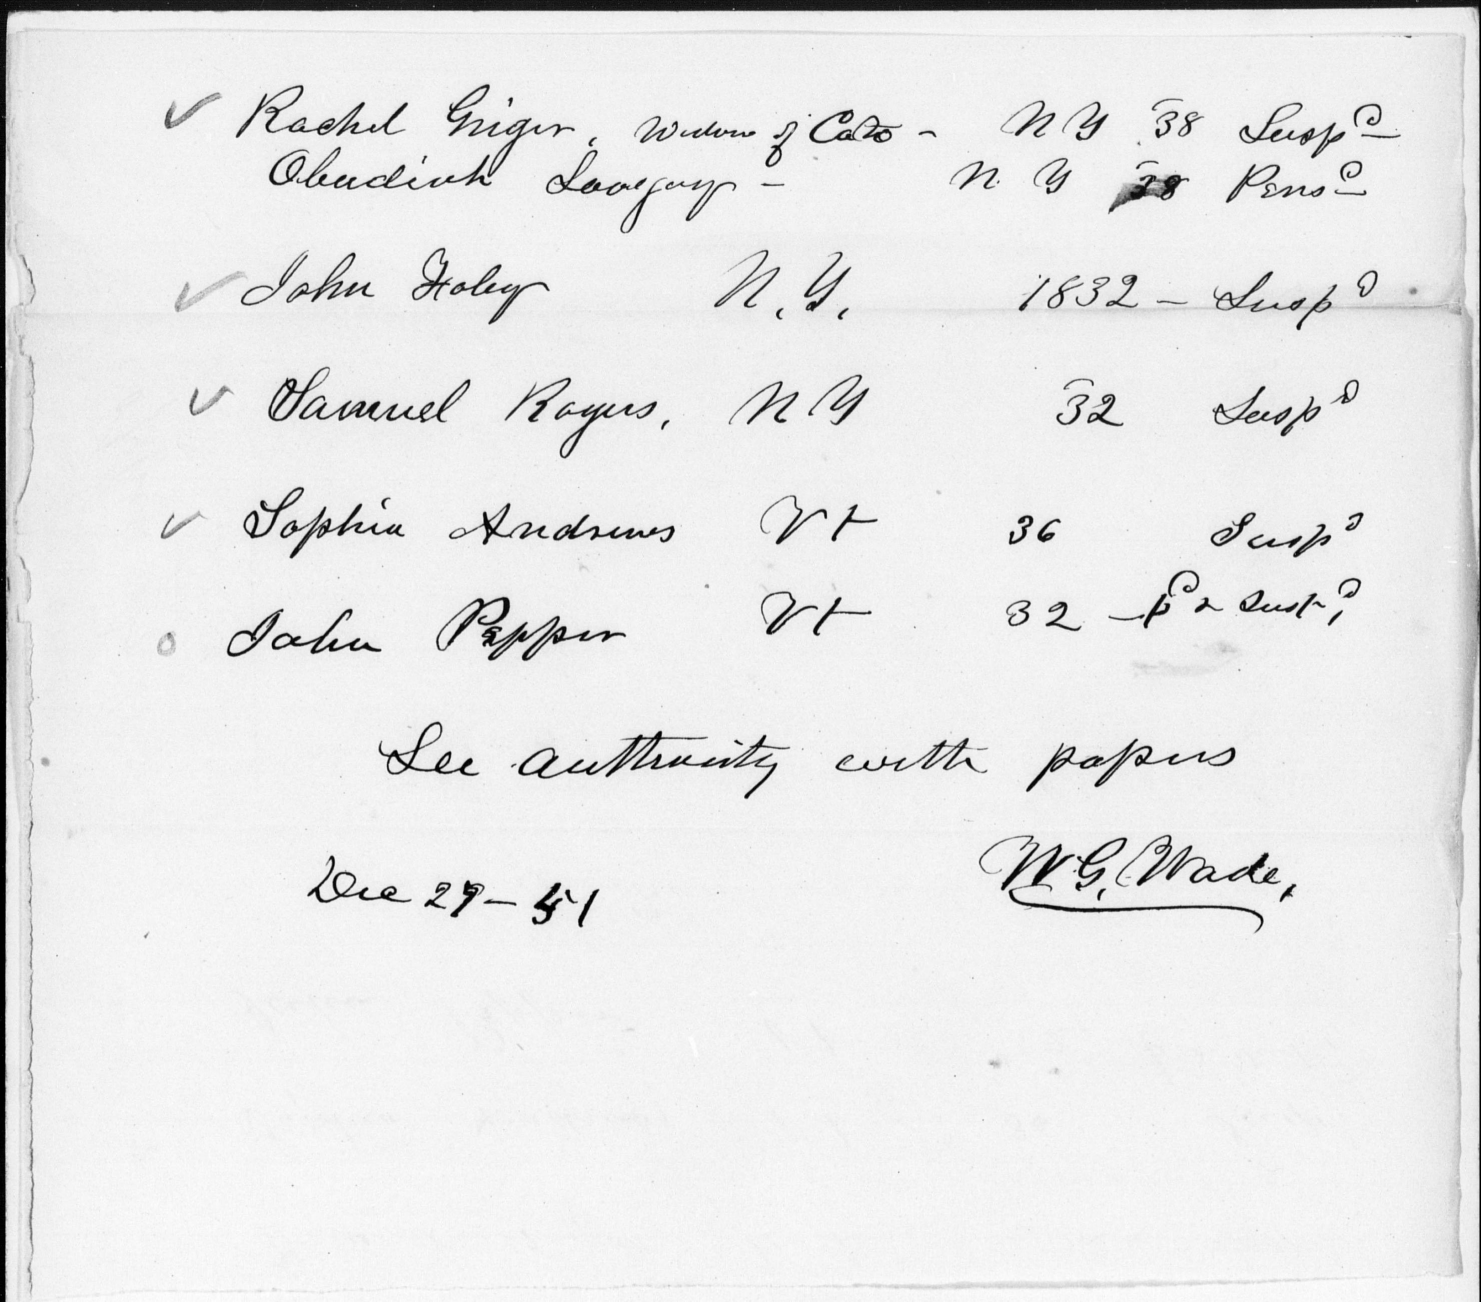Rachel Griger, Widow of Cato N. Y. 38 Suspended
Obadiah Lodger- N. Y. 38 Suspended
John Holey           N. Y.  1832- Suspended
Samuel Rogers    N. Y.       32- Suspended
Sophia Andrews  Vt.          36- Suspended
John Pepper        Vt.          32-Suspended

See authority with papus
Dec 27-51

W. G. Wade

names: John Pepper, Sophia Andrews, W G Wade, Rachel Griger, Obadiah Lovejoy, John Holey, Samuel Rogers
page: 14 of 27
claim: rejected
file: R. 223, Eldad Andrus, Vt.